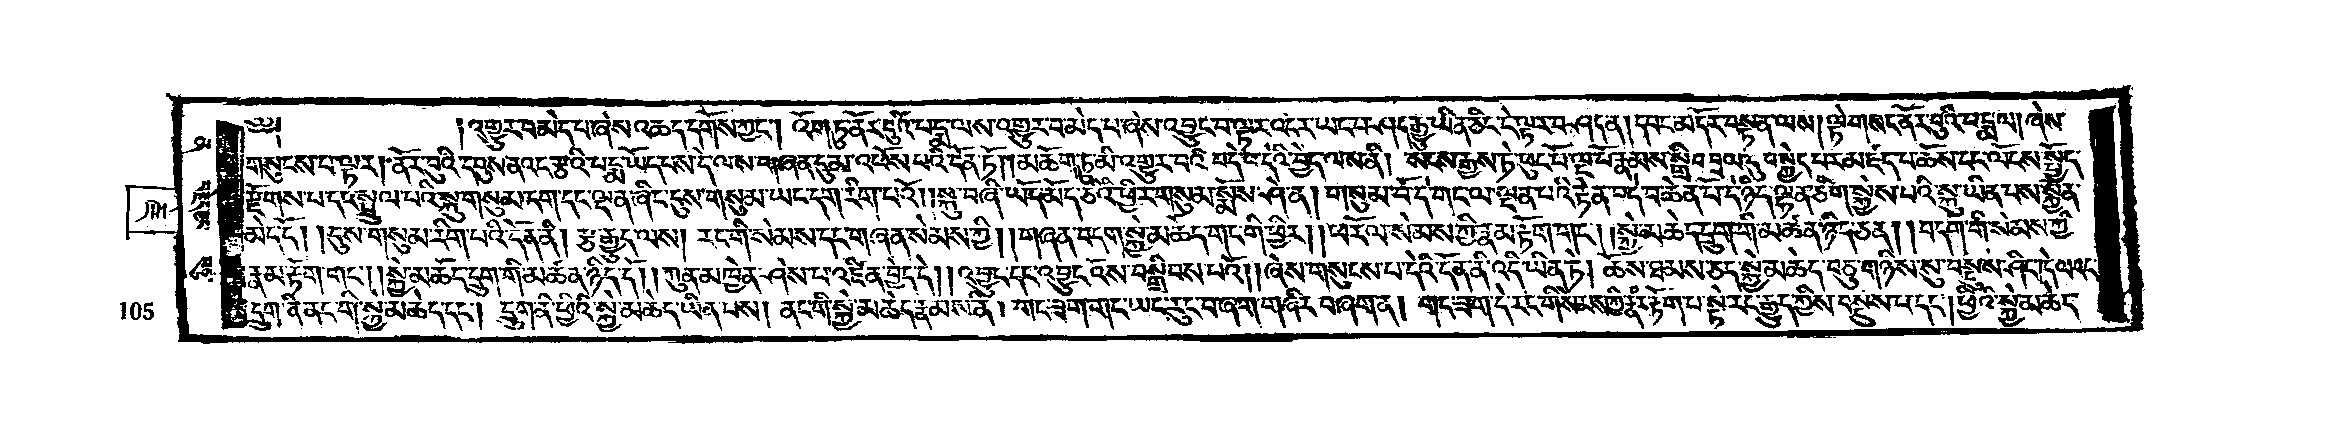༄༅། །འགྱུར་བ་མེད་པ་ཞེས་འཆད་དགོས་ཀྱང་། འོག་ཏུ་ནོར་བུའི་པདམ་ལས་འགྱུར་བ་མེད་པ་ཞེས་འབྱུང་བ་ལྟར་འདོར་ཡང་བཤད་རྒྱུ་ཡིན་ཅིང་དེ་ལྟར་བཤད་ན། དབང་མདོར་བསྟན་ལས། ལྟེ་གསང་ནོར་བུའི་པདམ་ལ། ཞེས་
གསུངས་པ་ལྟར། ནོར་བུའི་དབུས་ནའང་རྩའི་པདམ་ཡོད་པས་དེ་ལས་གཞན་དུ་མ་འཕོས་པའི་དོན་ཏོ། །མཆོག་ཏུ་མི་འགྱུར་བའི་བདེ་བ་དེའི་བྱེད་ལས་ནི། སངས་རྒྱས་ཏེ་ཕུང་པོ་ལྔ་པོ་རྣམས་སྒྲིབ་བྲལ་དུ་བསྐྱེད་པར་མཛད་པ་ཆོས་དང་ལོངས་སྤྱོད་
རྫོགས་པ་དང་སྤྲུལ་པའི་སྐུ་གསུམ་དག་དང་ལྡན་ཞིང་དུས་གསུམ་ཡང་དག་རིག་པའོ། །སྐུ་བཞི་ཡོད་མོད་ཅིའི་ཕྱིར་གསུམ་སྨོས་ཤེ་ན། གསུམ་བྤོ་དེ་གང་ལ་ལྡན་པའི་རྟེན་བདེ་བ་ཆེན་པོ་ད་ཉིད་ལྷན་ཅིག་སྐྱེས་པའི་སྐུ་ཡིན་པས་སྐྱོན་
མེད་དོ། །དུས་གསུམ་རིག་པའི་དོན་ནི། རྩ་རྒྱུད་ལས། རང་གི་སེམས་དང་གཞན་སེམས་ཀྱི། །གཞན་བདག་སྐྱེ་མཆེད་གང་གི་ཕྱིར། །ཕ་རོལ་སེམས་ཀྱི་རྣམ་རྟོག་གང་། །སྐྱེ་མཆེད་དྲུག་གི་མཚན་ཉིད་ཅན། །བདག་གི་སེམས་ཀྱི་
རྣམ་རྟོག་གང་། །སྐྱེ་མཆེད་དྲུག་གི་མཚན་ཉིད་དོ། །ཀུན་མཁྱེན་ཤེས་པ་འཛིན་བྱེད་དེ། །འབྱུང་དང་འབྱུང་འོས་བསྒྲིབས་པའོ། །ཞེས་གསུངས་པ་དེའི་དོན་ནི་འདི་ཡིན་ཏེ། ཆོས་ཐམས་ཅད་སྐྱེ་མཆེད་བཅུ་གཉིས་སུ་བསྡུམ་ཤིང་། དེ་ལའང་
དྲུག་ནི་ནང་གི་སྐྱེ་མཆེད་དང་། དྲུག་ནི་ཕྱིའི་སྐྱེ་མཆེད་ཡིན་པས། ནང་གི་སྐྱེ་མཆེད་རྣམས་ནི། གང་ཟག་གང་ཡང་རུང་བ་ཞག་གཞིར་བཞག་ན། གང་ཟག་དེ་རང་གི་སེམས་ཀྱི་རྣམ་པར་རྟོག་པ་སྟེ་རང་རྒྱུད་ཀྱིས་བསྡུས་པ་དང་། ཕྱིའི་སྐྱེ་མཆེད་